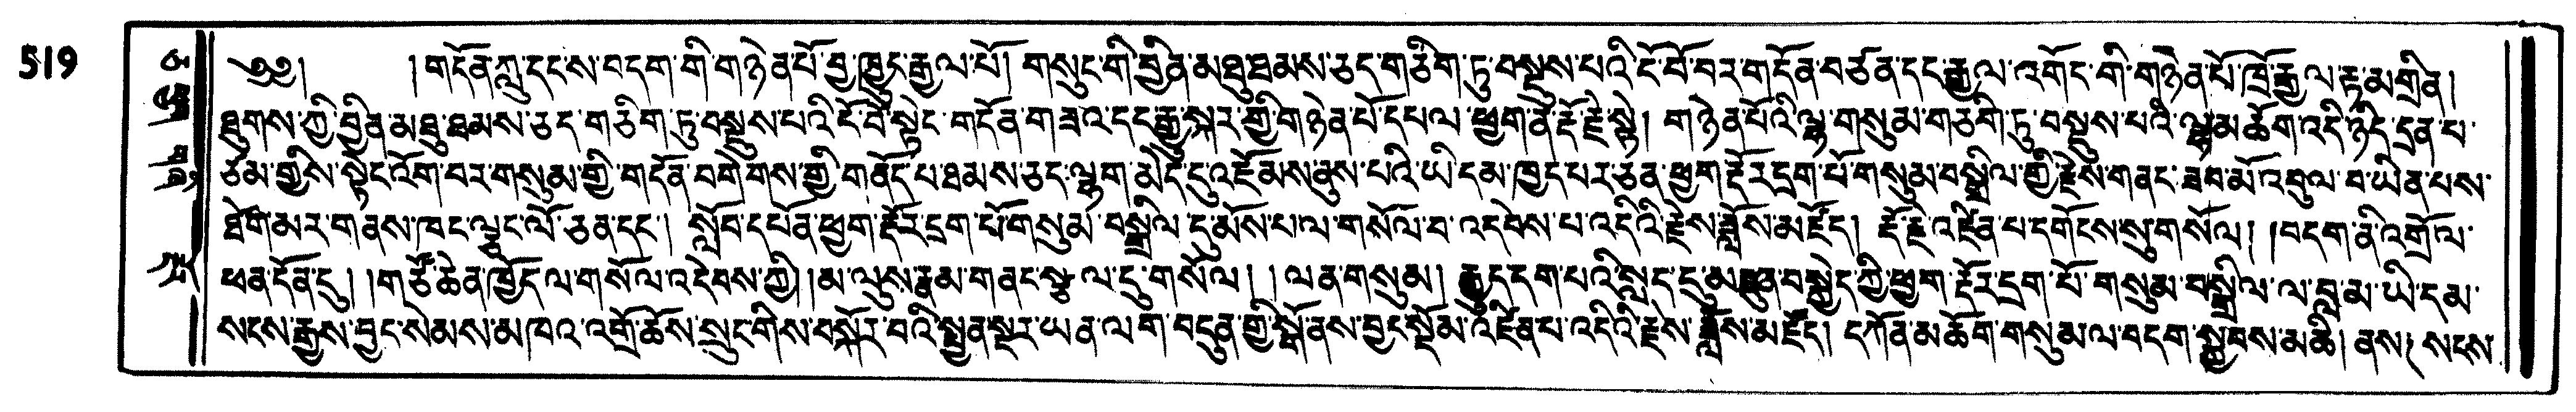༄༅། །གདོན་ཀླུ་དང་ས་བདག་གི་གཉེན་པོ་བྱ་ཁྱུང་རྒྱལ་པོ། གསུང་གི་བྱིན་མཐུ་ཐམས་ཅད་གཅིག་ཏུ་བསྡུས་པའི་ངོ་བོ་བར་གདོན་བཙན་དང་རྒྱལ་འགོང་གི་གཉེན་པོ་ཁྲོ་རྒྱལ་རྟ་མགྲིན།
ཐུགས་ཀྱི་བྱིན་མཐུ་ཐམས་ཅད་གཅིག་ཏུ་བསྡུས་པའི་ངོ་བོ་སྟེང་གདོན་གཟའ་དང་རྒྱུ་སྐར་གྱི་གཉེན་པོ་དཔལ་ཕྱག་ན་རྡོ་རྗེ་སྟེ། གཉེན་པོའི་ལྷ་གསུམ་གཅིག་ཏུ་བསྡུས་པའི་ལྷ་མཆོག་འདི་ཉིད་དྲན་པ་
ཙམ་གྱིས་སྟེང་འོག་བར་གསུམ་གྱི་གདོན་བགེགས་གྱི་གནོད་པ་ཐམས་ཅད་ལྷག་མེད་དུ་འཇོམས་ནུས་པའི་ཡིད་དམ་ཁྱད་པར་ཅན་ཕྱག་རྡོར་དྲག་པོ་གསུམ་བསྒྲིལ་གྱི་རྗེས་གནང་ཟབ་མོ་འབུལ་བ་ཡིན་པས་
ཐོག་མར་གནས་ཁང་ལྕང་ལོ་ཅན་དང་། སློབ་དཔོན་ཕྱག་རྡོར་དྲག་པོ་གསུམ་བསྒྲིལ་དུ་མོས་པ་ལ་གསོལ་བ་འདེབས་པ་འདིའི་རྗེས་ཟློས་མཛོད། རྡོ་རྗེ་འཛིན་པ་དགོངས་སུ་གསོལ། །བདག་ནི་འགྲོ་ལ་
ཕན་དོན་དུ། །གཙོ་ཆེན་ཁྱོད་ལ་གསོལ་འདེབས་ཀྱི། །མ་ལུས་རྣམ་གནང་སྩལ་དུ་གསོལ། །ལན་གསུམ། རྒྱུད་དག་པའི་སླད་དུ་མཛུན་བསྐྱེད་ཀྱི་ཕྱག་རྡོར་དྲག་པོ་གསུམ་བསྒྲིལ་ལ་བླ་མ་ཡི་དམ་
སངས་རྒྱས་བྱང་སེམས་མཁའ་འགྲོ་ཆོས་སྲུང་གིས་བསྐོར་བའི་སྤྱན་སྔར་ཡན་ལག་བདུན་གྱི་སྒོ་ནས་བྱང་སྡོམ་འཛིན་པ་འདིའི་རྗེས་ཟློས་མཛོད། དཀོན་མཆོག་གསུམ་ལ་བདག་སྐྱབས་མཆི། ནས༑ སངས་